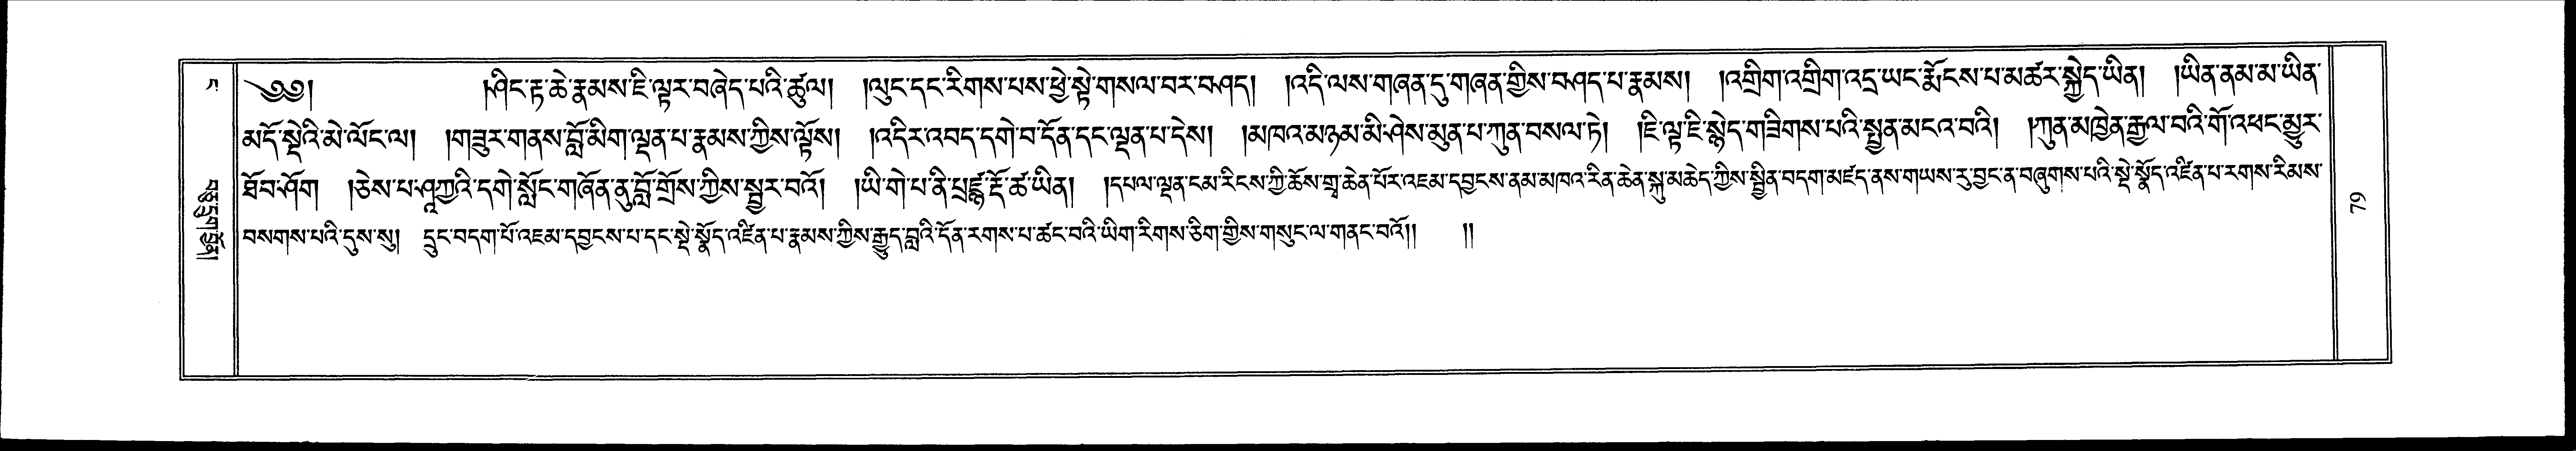༄༅། །ཤིང་རྟ་ཆེ་རྣམས་ཇི་ལྟར་བཞེད་པའི་ཚུལ། །ལུང་དང་རིགས་པས་ཕྱེ་སྟེ་གསལ་བར་བཤད། །འདི་ལས་གཞན་དུ་གཞན་གྱིས་བཤད་པ་རྣམས། །འགྲིག་འགྲིག་འདྲ་ཡང་རྨོངས་པ་མཚར་སྐྱེད་ཡིན། །ཡིན་ནམ་མ་ཡིན་
མདོ་སྡེའི་མེ་ལོང་ལ། །གཟུར་གནས་བློ་མིག་ལྡན་པ་རྣམས་ཀྱིས་ལྟོས། །འདིར་འབད་དགེ་བ་དོན་དང་ལྡན་པ་དེས། །མཁའ་མཉམ་མི་ཤེས་མུན་པ་ཀུན་བསལ་ཏེ། །ཇི་ལྟ་ཇི་སྙེད་གཟིགས་པའི་སྤྱན་མངའ་བའི། །ཀུན་མཁྱེན་རྒྱལ་བའི་གོ་འཕང་མྱུར་
ཐོབ་ཤོག །ཅེས་པ་ཤཱཀྱའི་དགེ་སློང་གཞོན་ནུ་བློ་གྲོས་ཀྱིས་སྦྱར་བའོ། །ཡི་གེ་པ་ནི་པྲཛྙ་རྡོ་ཚ་ཡིན། །དཔལ་ལྡན་ངམ་རིངས་ཀྱི་ཆོས་གྲྭ་ཆེན་པོར་འཇམ་དབྱངས་ནམ་མཁའ་རིན་ཆེན་སྐུ་མཆེད་ཀྱིས་སྦྱིན་བདག་མཛད་ནས་གཡས་རུ་བྱང་ན་བཞུགས་པའི་སྡེ་སྣོད་འཛིན་པ་རགས་རིམས་
བསགས་པའི་དུས་སུ། དྲུང་བདག་པོ་འཇམ་དབྱངས་པ་དང་སྡེ་སྣོད་འཛིན་པ་རྣམས་ཀྱིས་རྒྱུད་བླའི་དོན་རགས་པ་ཚང་བའི་ཡིག །རིགས་ཅིག་གྱིས་གསུང་ལ་གནང་བའོ།། །།